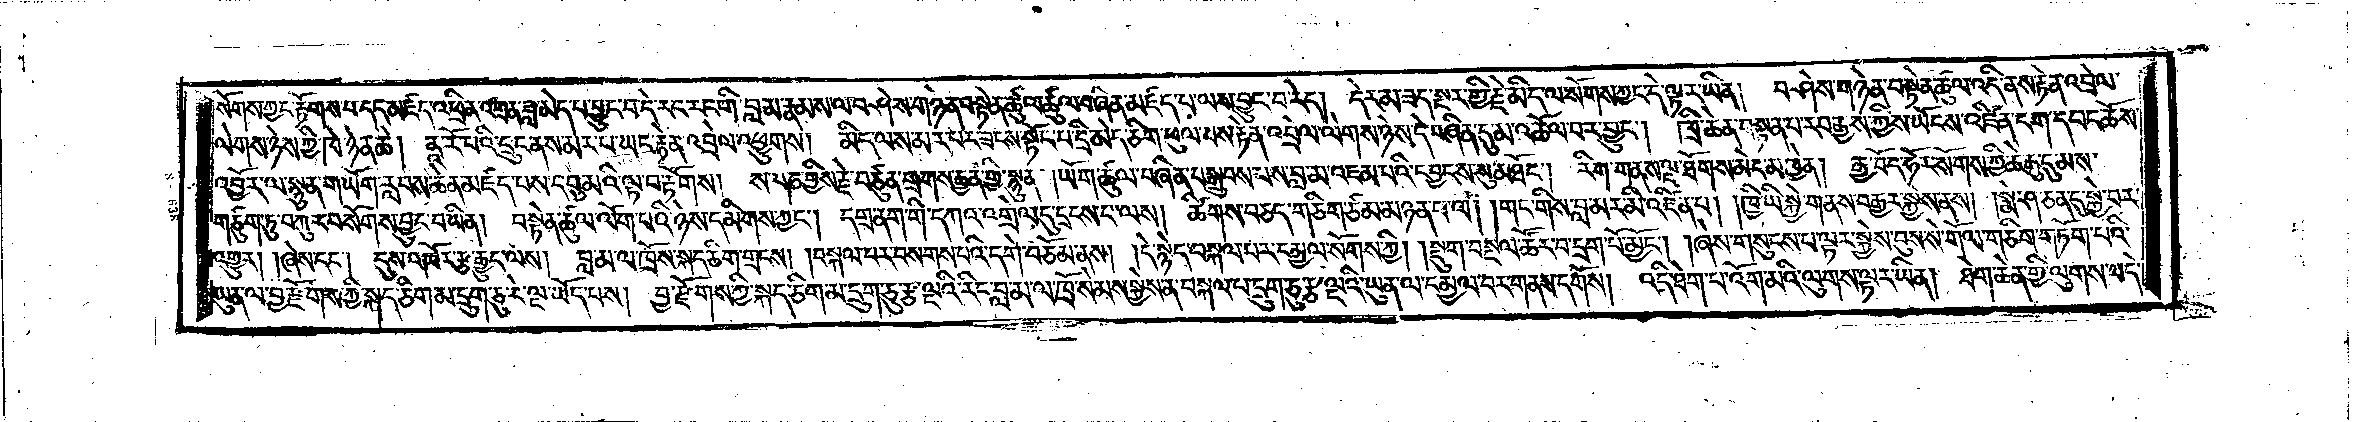སོགས་ཀྱང་རྟོགས་པ་དང་མཛད་འཕྲིན་འགྲན་ཟླ་མེད་པ་བྱུང་བ་དེ་རང་རང་གི་བླ་མ་རྣམས་ལ་བཤེས་གཉེན་བསྟེན་ཚུལ་ཚུལ་བཞིན་མཛད་པ་ལས་བྱུང་བ་རེད། དེར་མ་ཟད་སྔར་གྱི་རྗེ་མིད་ལ་སོགས་ཀྱང་དེ་ལྟར་ཡིན། བཤེས་གཉེན་བསྟེན་ཚུལ་འདི་ནས་རྟེན་འབྲེལ་
ལེགས་ཉེས་ཀྱི་ཁེ་ཉེན་ཆེ། ནཱ་རོ་པའི་དྲུང་ནས་མར་པ་ཡང་རྟེན་འབྲེལ་འཕྱུགས། མིད་ལས་མར་པར་ཟངས་སྟོང་པ་དྲི་མེད་ཅིག་ཕུལ་བས་རྟེན་འབྲེལ་ལེགས་ཉེས་དེ་བཞིན་དུ་མ་འཆོལ་བར་བྱུང་། ཁྲི་ཆེན་བསྟན་པ་རབ་རྒྱས་ཀྱིས་ཡོངས་འཛིན་ངག་དབང་ཆོས་
འབྱོར་ལ་སྙུན་གཡོག་རླབས་ཆེན་མཛད་པས་དབུ་མའི་ལྟ་བ་རྟོགས། ས་པཎ་གྱིས་རྗེ་བཙུན་གྲགས་རྒྱན་གྱི་སྙུན་གཡོག་ཚུལ་བཞིན་བསྒྲུབས་པས་བླ་མ་འཇམ་པའི་དབྱངས་སུ་མཐོང་། རིག་གནས་ལྔ་ཐོགས་མེད་མཁྱེན། རྒྱ་བོད་ཧོར་སོགས་ཀྱི་ཆེ་རྒུ་དུ་མས་
གཙུག་ཏུ་བཀུར་བ་སོགས་བྱུང་བ་ཡིན། བསྟེན་ཚུལ་ལོག་པའི་ཉེས་དམིགས་ཀྱང་། དགྲ་ནག་གི་དཀའ་འགྲེལ་དུ་དྲངས་པ་ལས། ཚིགས་བཅད་གཅིག་ཙམ་མཉན་པ་ལ། །གང་གིས་བླ་མར་མི་འཛིན་པ། །ཁྱི་ཡི་སྐྱེ་གནས་བརྒྱར་སྐྱེས་ནས། །སྨེ་ཤ་ཅན་དུ་སྐྱེ་བར་
འགྱུར། །ཞེས་དང་། དུས་འཁོར་རྩ་རྒྱུད་ལས། བླ་མ་ལ་ཁྲོས་སྐད་ཅིག་གྲངས། །བསྐལ་པར་བསགས་པའི་དགེ་བཅོམ་ནས། །དེ་སྙེད་བསྐལ་པར་དམྱལ་སོགས་ཀྱི། །སྡུག་བསྔལ་ཚོར་བ་དྲག་པོ་མྱོང་། །ཞེས་གསུངས་པ་ལྟར་སྐྱེས་བུས་སེ་གོལ་གཅིག་གཏོག་པའི་
ཡུན་ལ་བྱ་རྫོགས་ཀྱི་སྐད་ཅིག་མ་དྲུག་ཅུ་རེ་ལྔ་ཡོད་པས། བྱ་རྫོགས་ཀྱི་སྐད་ཅིག་མ་དྲུག་ཅུ་རྩ་ལྔའི་རིང་བླ་མ་ལ་ཁྲོ་སེམས་སྐྱེས་ན་བསྐལ་པ་དྲུག་ཅུ་རྩ་ལྔའི་ཡུན་ལ་དམྱལ་བར་གནས་དགོས། འདི་ཐེག་པ་འོག་མའི་ལུགས་ལྟར་ཡིན། ཐེག་ཆེན་གྱི་ལུགས་ལ་དེ་